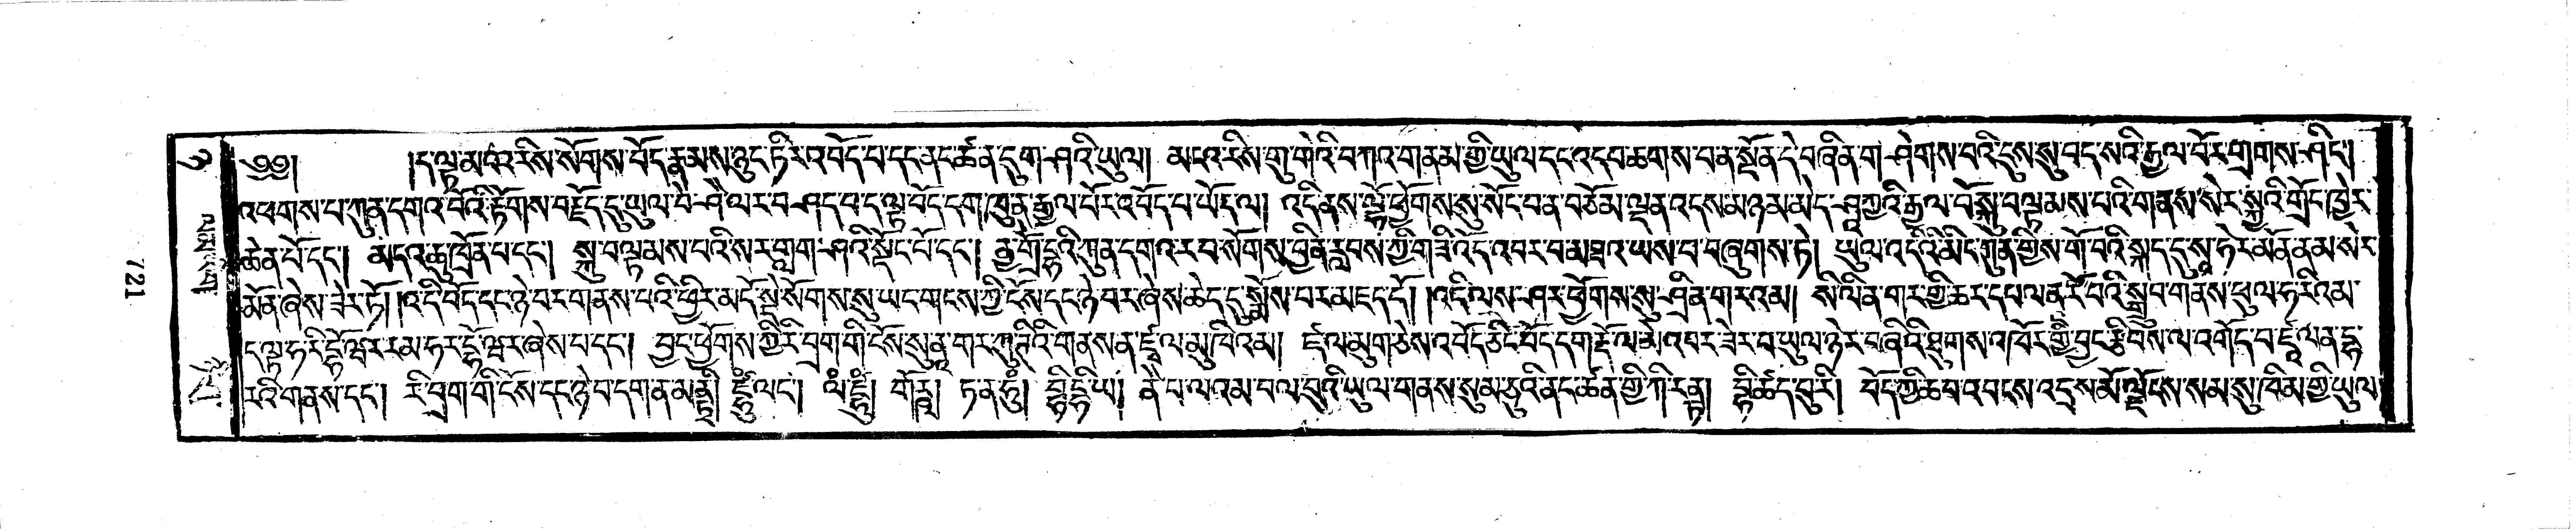༄༅། །ད་ལྟ་མ་བར་རིས་སོགས་བོད་རྣམས་ཉུང་ཏིར་འབོད་པ་དང་ནང་ཚ་ན་དུག་ཤའི་ཡུལ། མངའ་རིས་གུ་གེའི་བཀའ་གནམ་གྱི་ཡུལ་དང་འདབ་ཆགས་པ་ན་སྔོན་དེ་བཞིན་གཤེགས་པའི་དུས་སུ་བད་སའི་རྒྱལ་པོ་ར་གྲགས་ཤིང་།
འཕགས་པ་ཀུན་དགའ་བོའི་རྟོགས་བརྗོད་དུ་ཡུལ་བེ་ཤཻ་ལར་བཤད་པ་ད་ལྟ་བོད་དག་ཁུ་ན་རྒྱལ་པོར་འབོད་པ་ཡོད་ལ། འདི་ནས་ལྷོ་ཕྱོགས་སུ་སོང་བ་ན་བཅོམ་ལྡན་འདས་མཉམ་མེད་ཤཱཀྱའི་རྒྱལ་བོ་སྐུ་བལྟམས་པའི་གནས་སེར་སྐྱའི་གྲོང་ཁྱེར་
ཆེན་པོ་དང་། མདའ་ཆུ་ཁྲོན་པ་དང་། སྐུ་བལྟམས་པའི་སར་གླག་ཤའི་སྡོང་པོ་དང་། ནྱ་གྲོ་དྷའི་ཀུན་དགའ་རབ་སོགས་བྱིན་རླབས་ཀྱི་གཟི་འོད་འབར་བ་མཐའ་ཡས་པ་བཞུགས་ཏེ། ཡུལ་འདིའི་མིང་ཀུན་གྱིས་གོ་བའི་སྐད་དུ་སཱ་ཧེར་མོན་ནམ་སེར་
མོན་ཞེས་ཟེར་ཏོ། །འདི་བོད་དང་ཉེ་བར་གནས་པའི་ཕྱིར་མདོ་སྡེ་སོགས་སུ་ཡང་གངས་ཀྱི་ངོས་དང་ཉེ་བར་ཞེས་ཆེད་དུ་སྨོས་པར་མཇད་དོ། །འདི་ལས་ཤར་ཕྱོགས་སུ་ཤྲིན་གར་འམ། སི་ལིན་གར་གྱི་ཆར་དཔལ་ན་རོ་བའི་སྒྲུབ་གནས་ཕུལ་ཧ་རིའམ་
ད་ལྟ་ཧ་རི་དྷོ་ཝར་རམ་ཧར་དྷོ་ཝར་ཞེས་པ་དང་། བྱང་ཕྱོགས་ཀྱི་རི་བྲག་གི་ངོས་སུ་ནཱ་གར་ཀུ་ཊིའི་གནས་ན་ཛྭ་ལ་མུ་ཁིའམ། ཛ་ལ་མུག་ཅེས་འབོད་ཅིང་བོད་དག་རྡོ་ལ་མེ་འབར་ཟེར་བ་ཡུལ་ཉེར་བཞིའི་ཐུགས་འཁོར་གྱི་བྱང་རྩིབས་ལ་འགོད་བ་ཛཱ་ལན་དྷ་
རའི་གནས་དང་། རི་བྲག་གི་ངོས་དང་ཉེ་བ་དག་ན་མནྟྲི། ཛྷུཾ་ལང་། ལཾ་ཛྷུཾ། གོརྵ། ཏ་ན་ཧུཾ། བྷིདྷི་ཡ། ནཻ་པ་ལའམ་བལ་བུའི་ཡུལ་གནས་སུམ་ཅུའི་ནང་ཚན་གྱི་ཀི་རནྟ། བྷི་ཚད་པུ་རི། བོད་ཀྱི་ཆབ་འབངས་འདྲས་མོ་ལྗོངས་སམ་སུ་ཁིམ་གྱི་ཡུལ་